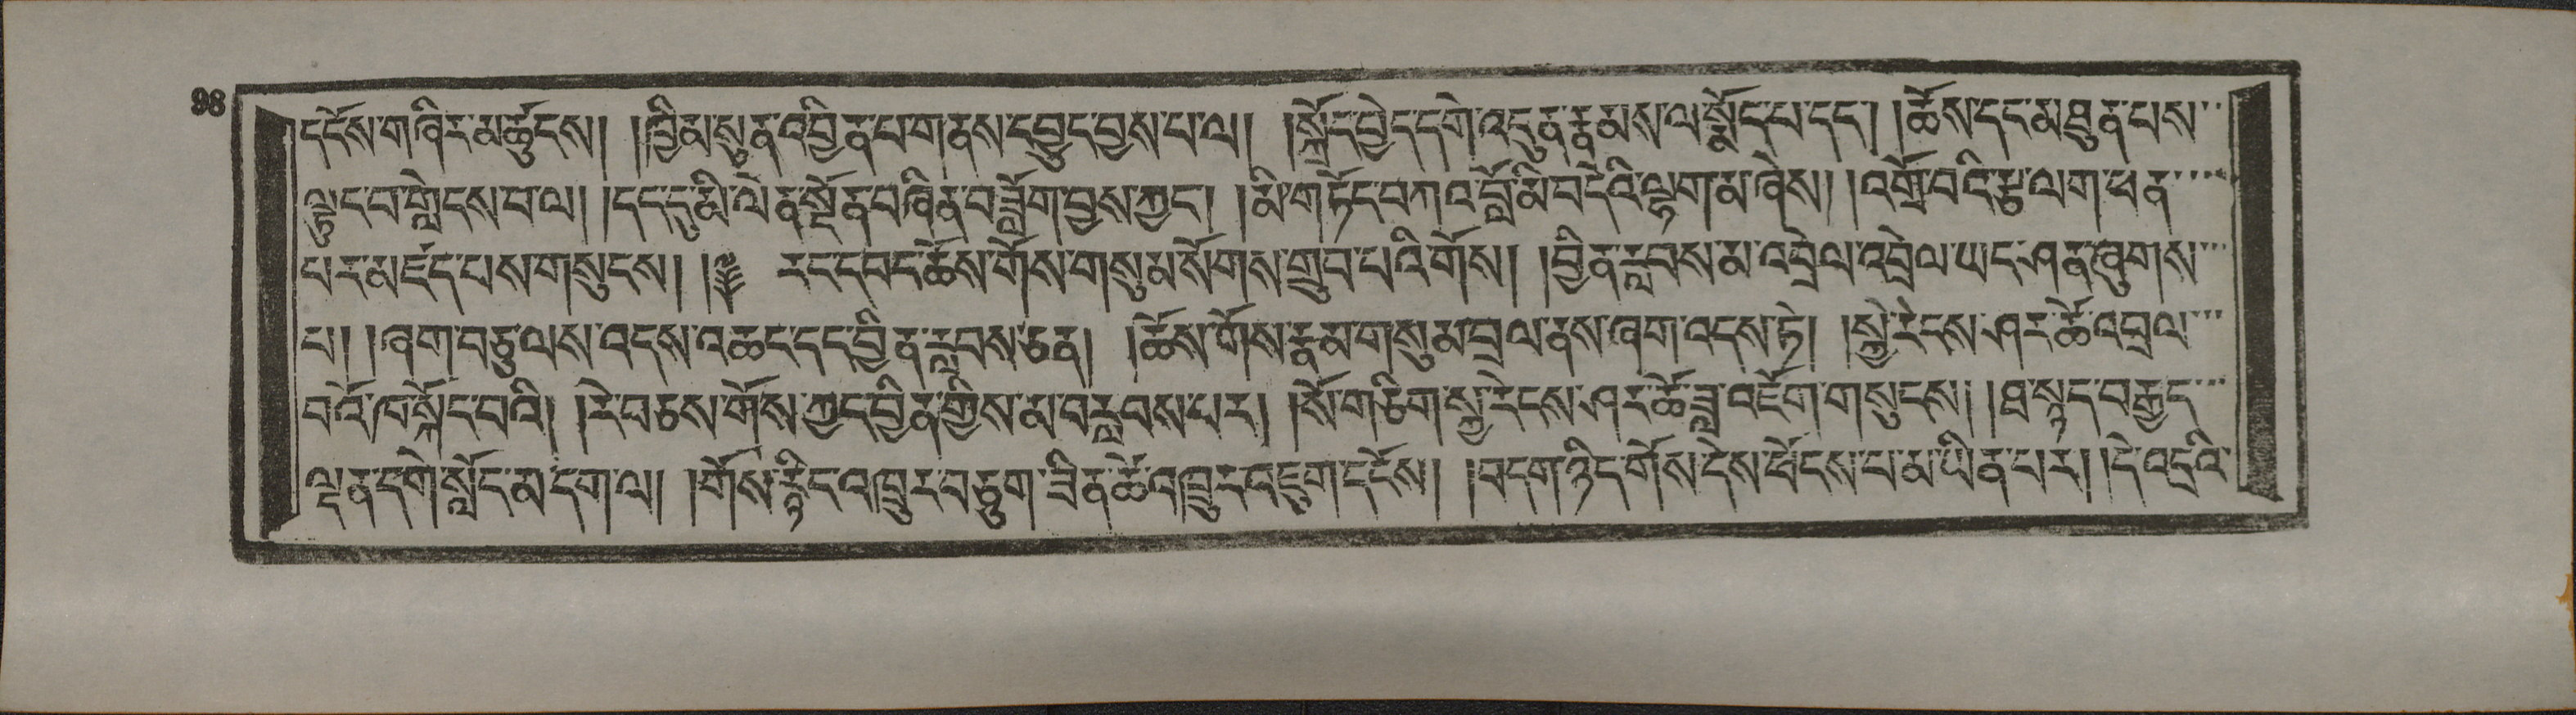དངོས་གཞིར་མཚུངས། །ཁྱིམ་སུན་འབྱིན་པ་གནས་དབྱུང་བྱས་པ་ལ། །སྐྲོད་བྱེད་དགེ་འདུན་རྣམས་ལ་སྨོད་པ་དང་། །ཆོས་དང་མཐུན་པས་
ལྟུང་བ་གླེངས་པ་ལ། །དང་དུ་མི་ལེན་སྔོན་བཞིན་བཟློག་བྱས་ཀྱང་། །མི་གཏོང་བཀའ་བློ་མི་བདེའི་ལྷག་མ་ཞེས། །འགྲོ་བའི་རྩ་ལག་ཕན་
པར་མཛད་པས་གསུངས། ། ༈ རང་དབང་ཆོས་གོས་གསུམ་སོགས་གྲུབ་པའི་གོས། །བྱིན་རླབས་མ་འབྲེལ་འབྲེལ་ཡང་ཤན་ཞུགས་
པ། །ཞག་བཅུ་ལས་འདས་འཆང་དང་བྱིན་རླབས་ཅན། །ཆོས་གོས་རྣམ་གསུམ་བྲལ་ནས་ཞག་འདས་ཏེ། །སྐྱེ་རངས་ཤར་ཚེ་འབྲལ་
བའོ་ཁ་སྐོང་བའི། །རེ་བཅས་གོས་ཀྱང་བྱིན་གྱིས་མ་བརླབས་པར། །སོ་གཅིག་སྐྱ་རེངས་ཤར་ཚེ་ཟླ་འཇོག་གསུངས། །ཐ་སྙད་བརྒྱད་
ལྡན་དགེ་སློང་མ་དག་ལ། །གོས་རྙིང་འཁྲུར་བཅུག་ཟིན་ཚེ་འཁྲུར་འཇུག་དངོས། །བདག་ཉིད་གོས་དེས་ཕོངས་པ་མ་ཡིན་པར། །དེ་འདྲའི་